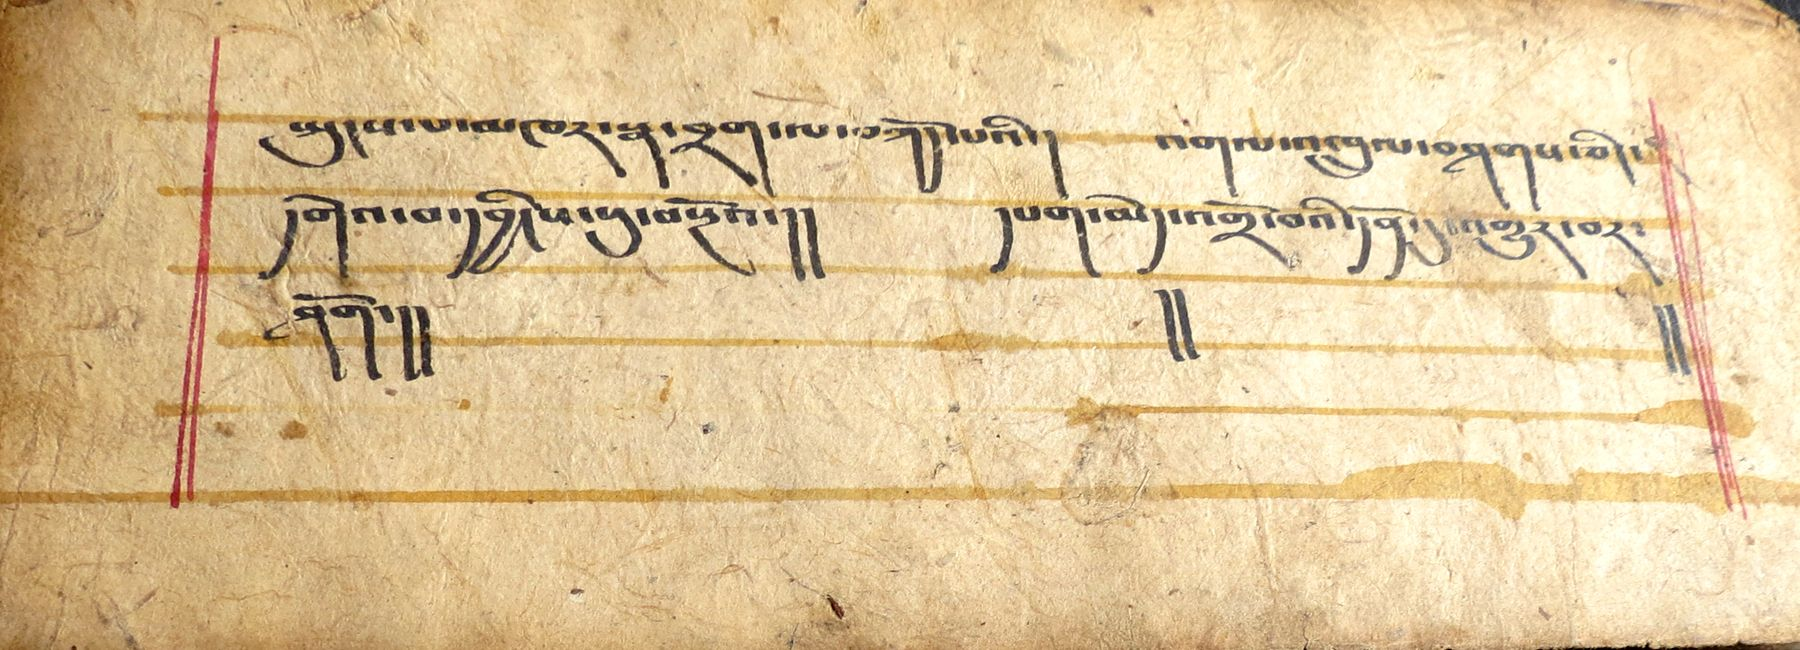སྤུངས་པ་མཁར་སྣའི་དགོན་དུ་བཀོད་པ་ཡིས། འགལ་འཁྲུལ་བཤགས་ཤིང་
དགེ་བ་དབྱིངས་སུ་བསྔོ། དཔག་མེད་འགྲོ་བའི་དོན་དུ་འགྱུར་བར་
ཤོག། ། །